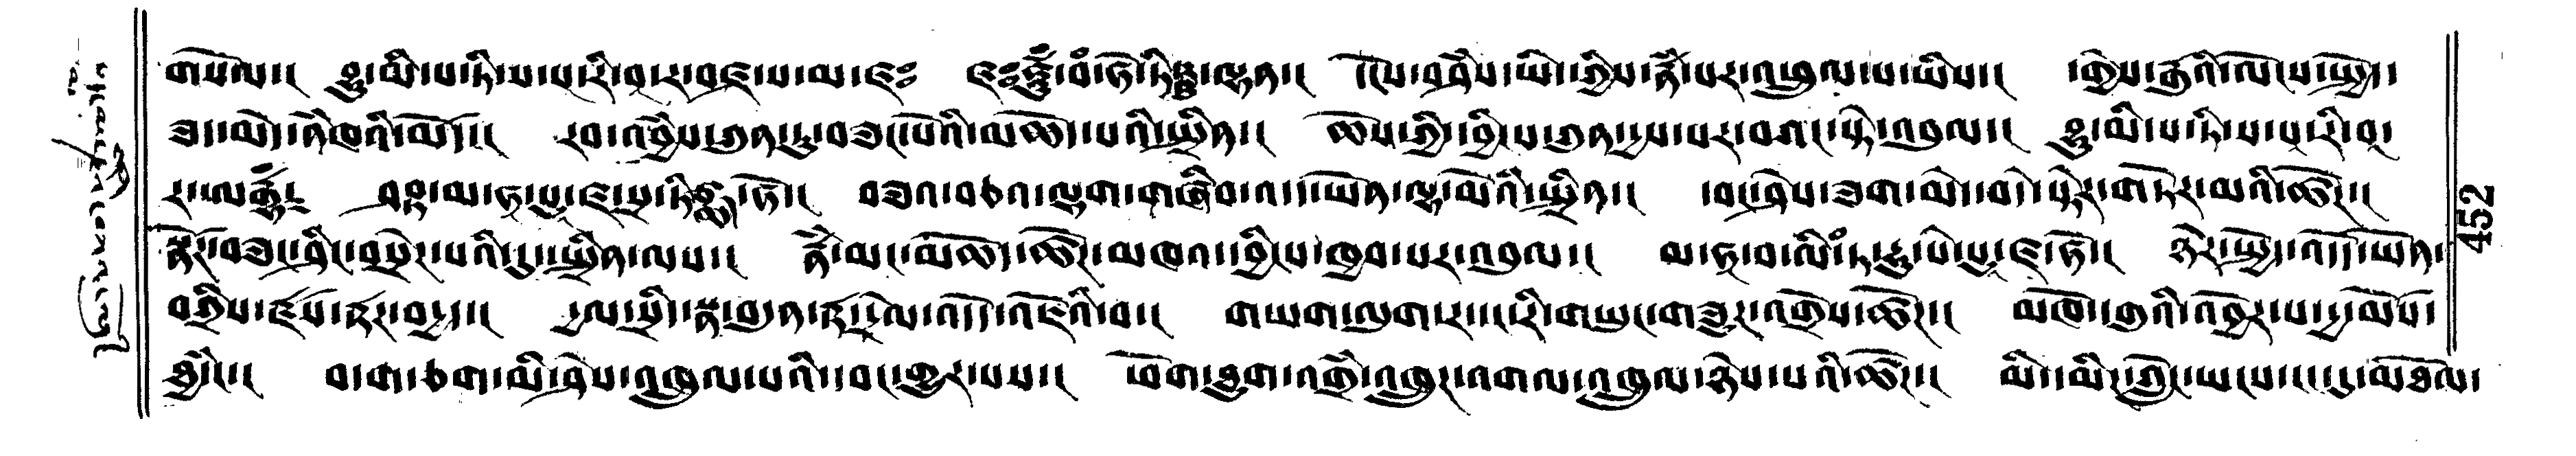གསོལ། བྷུ་མི་པ་ཏི་ས་པཱ་རི་བཱ་ར་བཛྲ་ས་མ་ཛཿ ཛཿཧཱུྃ་བཾ་ཧོ་ཏིཥྛ་ལྷན། །དངོས་བཤམས་ཡིད་ཀྱིས་རྣམ་པར་འཕྲུལ་པ་ཡིས། །དགྱེས་རྒུའི་ལོངས་སྤྱོད་
ཟད་མེད་ནམ་མཁའི་མཛོད། །རབ་འབྱམས་ཀུན་ཏུ་བཟང་པོའི་མཆོད་པའི་སྤྲིན། །ཆོས་ཀྱི་དབྱིངས་ཀུན་རྒྱས་པར་བཀང་ཏེ་འབུལ། བྷུ་མི་པ་ཏི་ས་པཱ་རི་བཱ་
ར་ཨརྒྷཾ༴ ཤབྟ་མ་ཧཱ་པཱུ་ཛ་པྲ་ཏིཙྪ་ཧོ། བཟའ་བཅའ་ལྡག་གཞིབ་འདོད་ཡོན་ལྷ་མོའི་སྤྲིན། །དབང་ཤེས་ཟག་མེད་བདེ་སྟེར་གཏོར་མའི་ཚོགས། །
སྣ་ཚོགས་བཟང་ཤིང་བསྲེགས་པའི་དུད་སྤྲིན་ལས། རྣམ་མང་མཆོད་ཚོགས་མཁའ་དབྱིངས་ཁྱབ་པར་འབུལ། མ་ཧཱ་བ་ལིཾ་ཏ་དྷུ་པེ་པཱུ་ཛ་ཧོ། ཉེར་སྤྱོད་འདོད་ཡོན་
བཀྲ་ཤིས་རྫས་རྟགས་བརྒྱད། །རྒྱལ་སྲིད་སྣ་བདུན་རྟ་དྲེལ་འདོད་འཇོའི་བ། །གཡག་ལུག་ར་དང་རི་གཡུང་གཟུགས་འགྲོས་ཚོགས། །མཁོ་དགུའི་འབྱོར་པ་རྒྱ་མཚོས་
ཐུགས་དམ་བསྐང་། །བདག་ཅག་མི་ཤེས་འཁྲུལ་པའི་དབང་གྱུར་པས། །ཕོག་ཐུག་འགྲམ་འཁྲུགས་འགལ་འཁྲུལ་ཉེས་པའི་ཚོགས། །མི་དམིགས་ཀློང་ཡངས་ངང་དུ་མཐོལ་